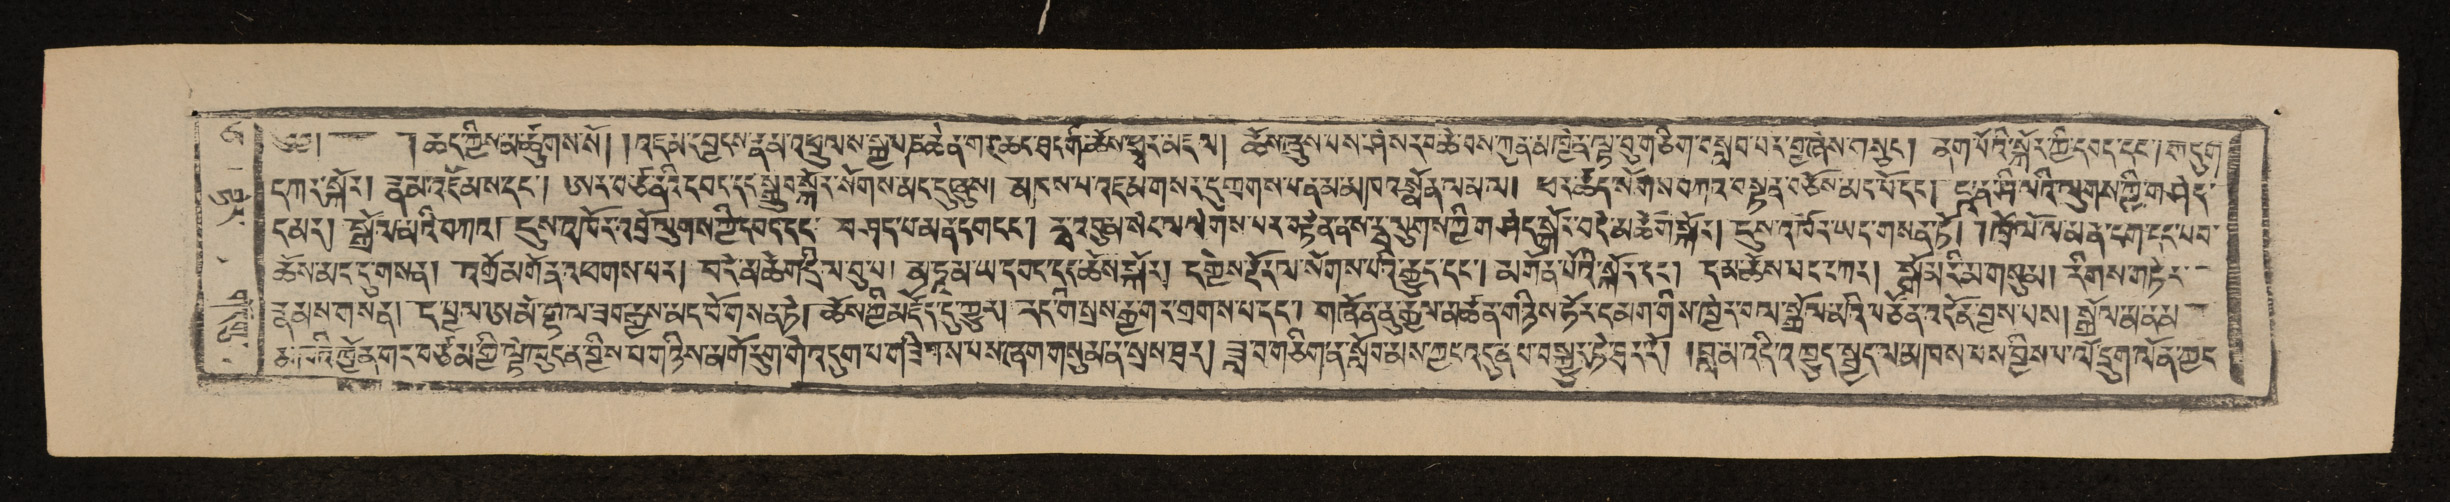༄༅། །ཆད་ཀྱིས་མཚུགས་སོ། །འཇམ་དབྱངས་རྣམ་འཕྲུལ་ས་སྐྱ་པཎ་ཆེན་གར་ཆང་ཐང་གི་ཆོས་གྲྭར་མཇལ། ཆོས་ཞུས་པས་ཤེས་རབ་ཆེ་བས་ཀུན་མཁྱེན་ལྟ་བུ་གཅིག་བསླབ་པར་བྱ་ཞེས་གསུང་། ནག་པོའི་སྐོར་གྱི་དབང་དང་། གདུགས་
དཀར་སྐོར། རྣམ་འཇོམས་དང་། ཨ་ར་པ་ཙ་ནའི་དབང་དང་སྒྲུབ་སྐོར་སོགས་མང་དུ་ཞུས། མཁས་པ་འཇམ་གསར་དུ་གྲགས་པ་ནམ་མཁའ་སྨོན་ལམ་ལ། ཕར་ཚད་སོགས་བཀའ་བསྟན་བཅོས་མང་པོ་དང་། དཱ་ན་ཤི་ལའི་ལུགས་ཀྱི་གཤེད་
དམར། སྒྲོལ་མའི་བཀའ། དུས་འཁོར་འབྲོ་ལུགས་ཀྱི་དབང་དང་། བཤད་པ་མན་ངག་དང་། རྭ་འབུམ་སེང་ལ་ལེགས་པར་བརྟེན་ནས་རྭ་ལུགས་ཀྱི་གཤེད་སྐོར་བདེ་མཆོག་སྐོར། དུས་འཁོར་ཡང་གསན་ཏོ། །ཁྲོ་ལོ་ལ་མན་ངག་དང་ཟབ་
ཆོས་མང་དུ་གསན། འགྲོ་མགོན་འཕགས་པར། བདེ་མཆོག་དྲིལ་བུ་པ། མཧཱ་མ་ཡ་དབང་དང་ཆོས་སྐོར། དགྱེས་རྡོར་ལ་སོགས་པའི་རྒྱུད་དང་། མགོན་པོའི་སྐོར་དང་། དམ་ཆོས་པད་དཀར། སྒོམ་རིམ་གསུམ། རིགས་གཏེར་
རྣམས་གསན། དཔྱལ་ཨ་མོ་གྷ་ལ་ཟབ་རྒྱས་མང་པོ་གསན་ཏེ། ཆོས་ཀྱི་མཛོད་དུ་གྱུར། རང་གི་སྲས་རྒྱ་གར་གྲགས་པ་དང་། གཞོན་ནུ་རྒྱལ་མཚན་གཉིས་ཧོར་དམག་གིས་ཁྱེར་བ་ལ་སྒྲོལ་མའི་བཙོན་འདོན་བྱས་པས། སྒྲོལ་མ་ནམ་
མཁའི་ཁྱོན་གང་བ་ཙམ་གྱི་ལྟེ་ཁུང་ན་བྱིས་པ་གཉིས་མགོ་རུག་གི་འདུག་པ་གཟིགས་པས་ཞག་གསུམ་ན་སྲས་ཐར། ཟླ་བ་གཅིག་ན་སློབ་མས་ཀྱང་འདུན་བ་བསྐྱུར་ཏེ་ཐར་རོ། །བླ་མ་འདི་འཁྱུད་སྤྱད་ལ་མཁས་པས་བྱིས་པ་ལོ་དྲུག་ལོན་ཀྱང་